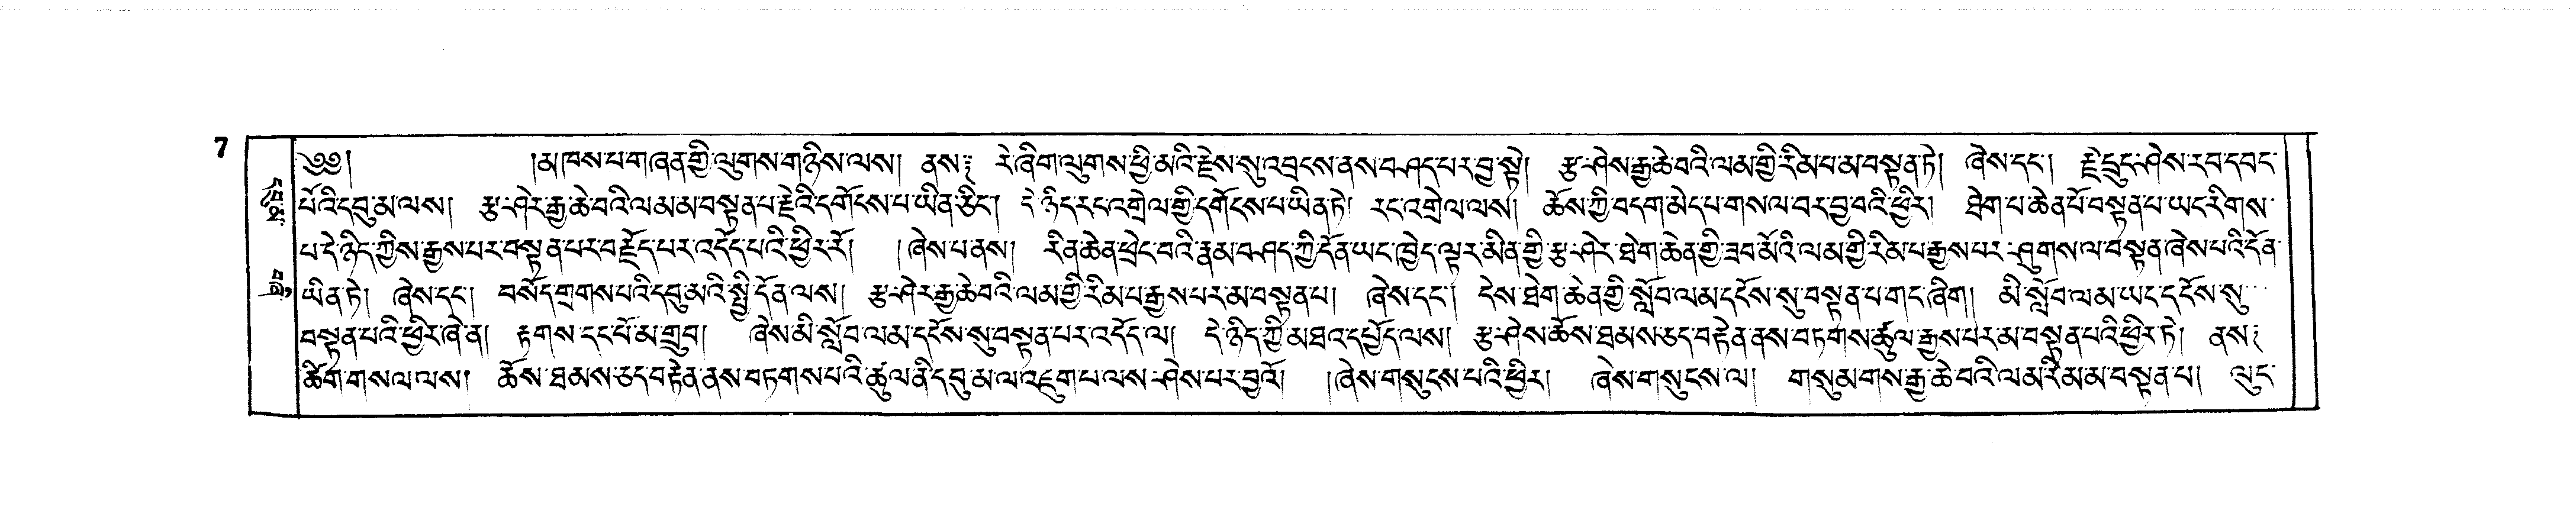༄༅། །མཁས་པ་གཞན་གྱི་ལུགས་གཉིས་ལས། ནས༑ རེ་ཞིག་ལུགས་ཕྱི་མའི་རྗེས་སུ་འབྲངས་ནས་བཤད་པར་བྱ་སྟེ། རྩ་ཤེས་རྒྱ་ཆེ་བའི་ལམ་གྱི་རིམ་པ་མ་བསྟན་ཏེ། ཞེས་དང་། རྗེ་དྲུང་ཤེས་རབ་དབང་
པོའི་དབུ་མ་ལས། རྩ་ཤེར་རྒྱ་ཆེ་བའི་ལམ་མ་བསྟན་པ་རྗེའི་དགོངས་པ་ཡིན་ཅིང་། དེ་ཉིད་རང་འགྲེལ་གྱི་དགོངས་པ་ཡིན་ཏེ། རང་འགྲེལ་ལས། ཆོས་ཀྱི་བདག་མེད་པ་གསལ་བར་བྱ་བའི་ཕྱིར། ཐེག་པ་ཆེན་པོ་བསྟན་པ་ཡང་རིགས་
པ་དེ་ཉིད་ཀྱིས་རྒྱས་པར་བསྟན་པར་བརྗོད་པར་འདོད་པའི་ཕྱིར་རོ། །ཞེས་པ་ནས། རིན་ཆེན་ཕྲེང་བའི་རྣམ་བཤད་ཀྱི་དོན་ཡང་ཁྱེད་ལྟར་མིན་གྱི་རྩ་ཤེར་ཐེག་ཆེན་གྱི་ཟབ་མོའི་ལམ་གྱི་རིམ་པ་རྒྱས་པར་ཤུགས་ལ་བསྟན་ཞེས་པའི་དོན་
ཡིན་ཏེ། ཞེས་དང་། བསོད་གྲགས་པའི་དབུ་མའི་སྤྱི་དོན་ལས། རྩ་ཤེར་རྒྱ་ཆེ་བའི་ལམ་གྱི་རིམ་པ་རྒྱས་པར་མ་བསྟན་པ། ཞེས་དང་། དེས་ཐེག་ཆེན་གྱི་སློབ་ལམ་དངོས་སུ་བསྟན་པ་གང་ཞིག། མི་སློབ་ལམ་ཡང་དངོས་སུ་
བསྟན་པའི་ཕྱིར་ཞེ་ན། རྟགས་དང་པོ་མ་གྲུབ། ཞེས་མི་སློབ་ལམ་དངོས་སུ་བསྟན་པར་འདོད་ལ། དེ་ཉིད་ཀྱི་མཐའ་དཔྱོད་ལས། རྩ་ཤེས་ཆོས་ཐམས་ཅད་བརྟེན་ནས་བཏགས་ཚུལ་རྒྱས་པར་མ་བསྟན་པའི་ཕྱིར་ཏེ། ནས༑
ཚིག་གསལ་ལས། ཆོས་ཐམས་ཅད་བརྟེན་ནས་བཏགས་པའི་ཚུལ་ནི་དབུ་མ་ལ་འཇུག་པ་ལས་ཤེས་པར་བྱའོ། །ཞེས་གསུངས་པའི་ཕྱིར། ཞེས་གསུངས་ལ་གསུམ་གས་རྒྱ་ཆེ་བའི་ལམ་རིམ་མ་བསྟན་པ། ལུང་